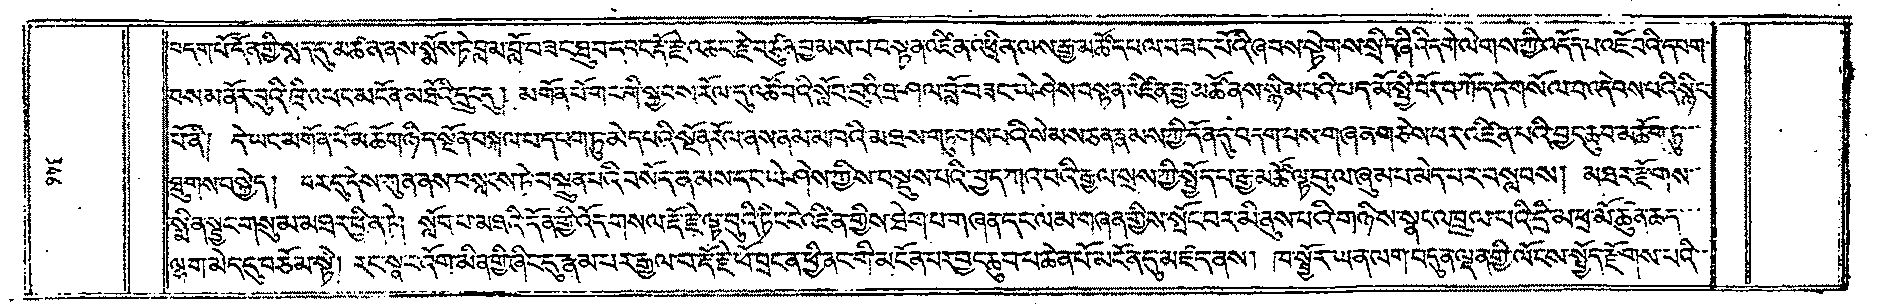བདག་པོ་དོན་གྱི་སླད་དུ་མཚན་ནས་སྨོས་ཏེ་བླ་མ་བློ་བཟང་ཐུབ་དབང་རྡོ་རྗེ་འཆང་རྗེ་བཙུན་བྱམས་པ་བསྟན་འཛིན་འཕྲིན་ལས་རྒྱ་མཚོ་དཔལ་བཟང་པོའི་ཞབས་སྟེགས་སྲིད་ཞིའི་དགེ་ལེགས་ཀྱི་འདོད་པ་འཇོ་བའི་དཔག་
བསམ་ནོར་བུའི་ཁྲི་འཕང་མངོན་མཐོའི་དྲུང་དུ། མགོན་པོ་གང་གི་སྐྱབས་རོལ་དུ་འཚོ་བའི་སློབ་བུའི་ཐ་ཤལ་བློ་བཟང་ཡེ་ཤེས་བསྟན་འཛིན་རྒྱ་མཚོ་ནས་སྙིམ་པའི་པད་མོ་སྤྱི་བོར་བཀོད་དེ་གསོལ་བ་འདེབས་པའི་སྙིང་
པོ་ནི། དེ་ཡང་མགོན་པོ་མཆོག་ཉིད་སྔོན་བསྐལ་པ་དཔག་ཏུ་མེད་པའི་སྔོན་རོལ་ནས་ནམ་མཁའི་མཐས་གཏུགས་པའི་སེམས་ཅན་རྣམས་ཀྱི་དོན་དུ་བདག་པས་གཞན་གཅེས་པར་འཛིན་པའི་བྱང་ཆུབ་མཆོག་ཏུ་
ཐུགས་བསྐྱེད། བར་དུ་དེས་ཀུན་ནས་བསླངས་ཏེ་བསྐྲུན་པའི་བསོད་ནམས་དང་ཡེ་ཤེས་ཀྱིས་བསྡུས་པའི་བྱ་དཀའ་བའི་རྒྱལ་སྲས་ཀྱི་སྤྱོད་པ་རྒྱ་མཚོ་ལྟ་བུ་ལ་ཞུམ་པ་མེད་པར་བསླབས། མཐར་རྫོགས་
སྨིན་སྦྱང་གསུམ་མཐར་ཕྱིན་ཏེ། སློབ་པ་མཐའི་དོན་གྱི་འོད་གསལ་རྡོ་རྗེ་ལྟ་བུའི་ཏིང་ངེ་འཛིན་གྱིས་ཐེག་པ་གཞན་དང་ལམ་གཞན་གྱིས་སྤོང་བར་མི་ནུས་པའི་གཉིས་སྣང་འཁྲུལ་པའི་དྲི་མ་ཕྲ་མོ་ཚུན་ཆད་
ལྷག་མེད་དུ་བཅོམ་སྟེ། རང་སྣང་འོག་མིན་གྱི་ཞིང་དུ་རྣམ་པར་རྒྱལ་བ་རྡོ་རྗེ་ཕོ་བྲང་ན་ཕྱི་ནང་གི་མངོན་པར་བྱང་ཆུབ་པ་ཆེན་པོ་མངོན་དུ་མཛད་ནས། ཁ་སྦྱོར་ཡན་ལག་བདུན་ལྡན་གྱི་ལོངས་སྤྱོད་རྫོགས་པའི་